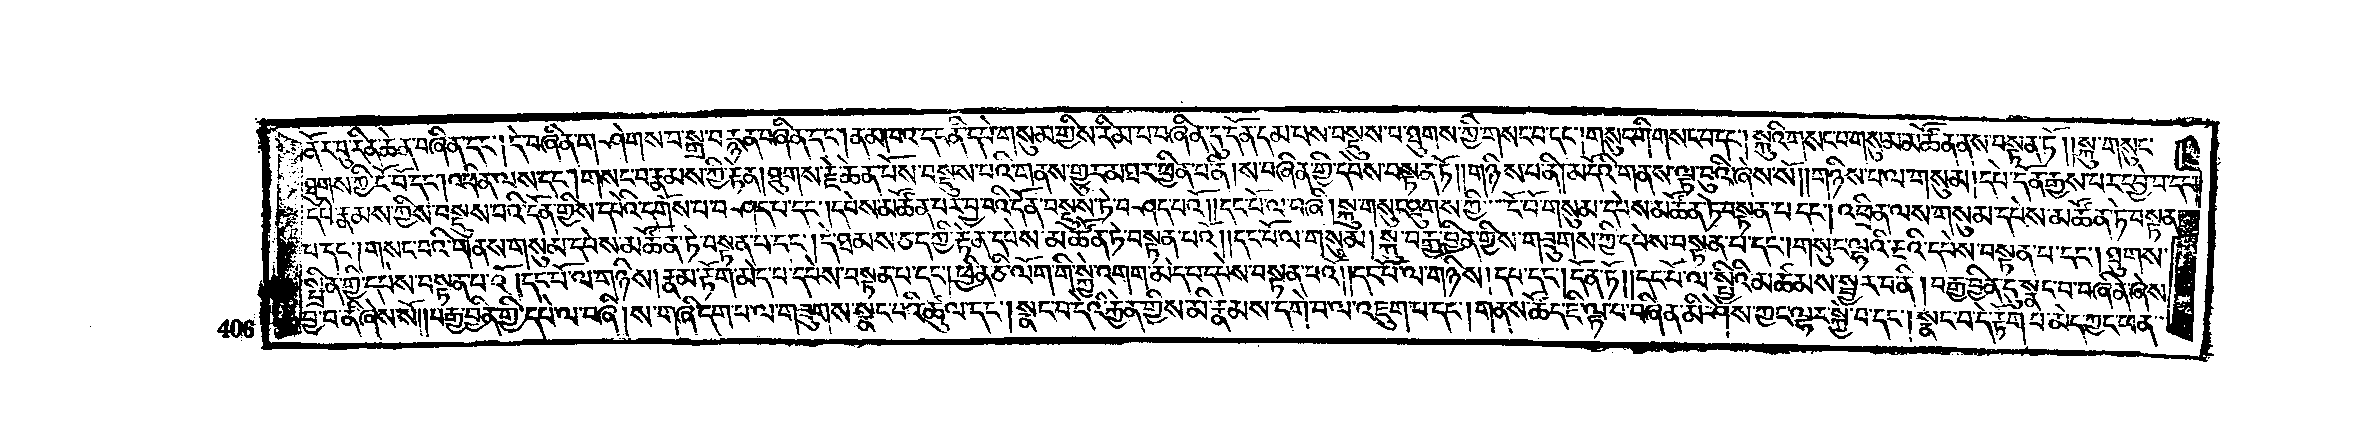ནོར་བུ་རིན་ཆེན་བཞིན་དང་། དེ་བཞིན་གཤེགས་པ་སྒྲ་བརྙན་བཞིན་དང་། ནམ་མཁའ་དང་ནི་དཔེ་གསུམ་གྱིས་རིམ་པ་བཞིན་དུ་དོན་དམ་པས་བསྡུས་པ་ཐུགས་ཀྱི་གསང་བ་དང་། གསུང་གི་གསང་བ་དང་། སྐུའི་གསང་བ་གསུམ་མཚོན་ནས་བསྟན་ཏོ། །སྐུ་གསུང་
ཐུགས་ཀྱི་ངོ་བོ་དང་། འཕྲིན་ལས་དང་། གསང་བ་རྣམས་ཀྱི་རྟེན། ཐུགས་རྗེ་ཆེན་པོས་བསྡུས་པའི་གནས་གྱུར་མཐར་ཕྱིན་པ་ནི། ས་བཞིན་གྱི་དཔེས་བསྟན་ཏོ། །གཉིས་པ་ནི། མདོའི་གནས་ལྟ་བུའི་ཞེས་སོ། །གཉིས་པ་ལ་གསུམ། དཔེ་དོན་རྒྱས་པར་དབྱེ་བ་དང་
དཔེ་རྣམས་ཀྱིས་བསྡུས་པའི་དོན་གྱིས་དཔེའི་དགོས་པ་བཤད་པ་དང་། དཔེས་མཚོན་པར་བྱ་བའི་དོན་བསྡུས་ཏེ་བཤད་པའོ། །དང་པོ་ལ་བཞི། སྐུ་གསུང་ཐུགས་ཀྱི་ངོ་བོ་གསུམ་དཔེས་མཚོན་ཏེ་བསྟན་པ་དང་། ཕྲིན་ལས་གསུམ་དཔེས་མཚོན་ཏེ་བསྟན་
པ་དང་། གསང་བའི་གནས་གསུམ་དཔེས་མཚོན་ཏེ་བསྟན་པ་དང་། དེ་ཐམས་ཅད་ཀྱི་རྟེན་དཔེས་མཚོན་ཏེ་བསྟན་པའོ། །དང་པོ་ལ་གསུམ། སྐུ་བརྒྱ་བྱིན་གྱིས་གཟུགས་ཀྱི་དཔེས་བསྟན་པ་དང་། གསུང་ལྷའི་རྔའི་དཔེས་བསྟན་པ་དང་། ཐུགས་
སྤྲིན་གྱི་དཔེས་བསྟན་པའོ། །དང་པོ་ལ་གཉིས། རྣམ་རྟོག་མེད་པ་དཔེས་བསྟན་པ་དང་། ཕྱིན་ཅི་ལོག་གི་སྐྱེ་འགག་མེད་པ་དཔེས་བསྟན་པའོ། །དང་པོ་ལ་གཉིས། དཔེ་དང་། དོན་ཏོ། །དང་པོ་ལ་སྤྱིའི་མཚམས་སྦྱར་བ་ནི། བརྒྱ་བྱིན་དུ་སྣང་བ་བཞིན་ཞེས་
བྱ་བ་ནི་ཞེས་སོ། །བརྒྱ་བྱིན་གྱི་དཔེ་ལ་བཞི། ས་གཞི་དག་པ་ལ་གཟུགས་སྣང་བའི་ཚུལ་དང་། སྣང་བ་དེའི་རྐྱེན་གྱིས་མི་རྣམས་དགེ་བ་ལ་འཇུག་པ་དང་། གནས་ཚོད་ཇི་ལྟ་བ་བཞིན་མི་ཤེས་ཀྱང་ལྷར་སྐྱེ་བ་དང་། སྣང་བ་དེ་རྟོག་པ་མེད་ཀྱང་ཕན་